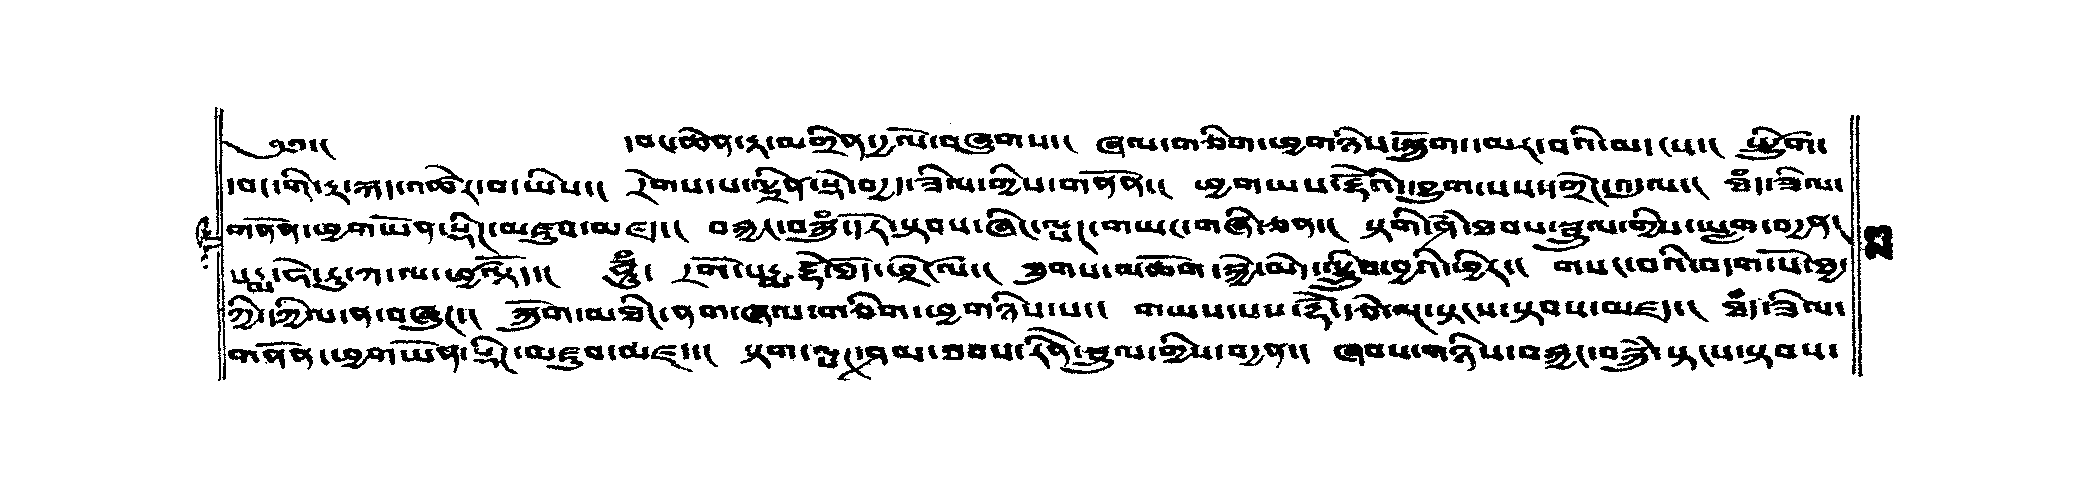དབང་ཆེན་རྟ་མགྲིན་རྒྱལ་པོ་བཞུགས། །ཞལ་གཅིག་ཕྱག་གཉིས་སྐུ་མདོག་དམར་བའི་མདངས། །སྤྱི་གཙུག་
དབང་གི་རྟ་སྐད་འཚེར་བ་ཡིས། །དྲེགས་པ་ལྷ་སྲིན་སྡེ་བརྒྱད་ཟིལ་གྱིས་གནོན།།ཕྱག་གཡས་རྡོ་རྗེའི་དབྱུག་པས་དགྲ་གེགས་འདུལ། །ཐམས་ཅད་ཟིལ་
གནོན་ཕྱག་གཡོན་སྡིག་མཛུབ་མཛད། ། བརྐྱང་བསྐུམ་དོར་སྟབས་ཞིང་ལྤགས་གཡང་གཞི་ཅན། །སྟག་གི་ཤམ་ཐབས་སྦྲུལ་གྱིས་ཡན་ལག་བརྒྱན། །
པདྨ་ཧེ་རུ་ཀ་ལ་ཕྱག་འཚལ་བསྟོད། །ཧཱུྃ། དྲག་པོ་པདྨ་ཐོད་ཕྲེང་རྩལ། །ཐུགས་མཆོག་སྐྱེ་མེད་ལྷུན་གྱིས་གྲུབ་བྱའི་ཕྱིར། །གསང་བའི་བདག་པོ་ཐུགས་
ཀྱི་དཀྱིལ་ན་བཞུགས། །སྐུ་མདོག་མཐིང་ནག་ཞལ་གཅིག་ཕྱག་གཉིས་པ། །གཡས་པས་རྡོ་རྗེ་རྩེ་ལྔ་སྟངས་སྟབས་མཛད། །ཐམས་ཅད་ཟིལ་
གནོན་ཕྱག་གཡོན་སྡིག་མཛུབ་མཛད། ། སྟག་ལྤགས་ཤམ་ཐབས་རིན་ཆེན་སྦྲུལ་གྱིས་བརྒྱན། །ཞབས་གཉིས་བརྐྱང་བསྐུམ་སྟངས་སྟབས་